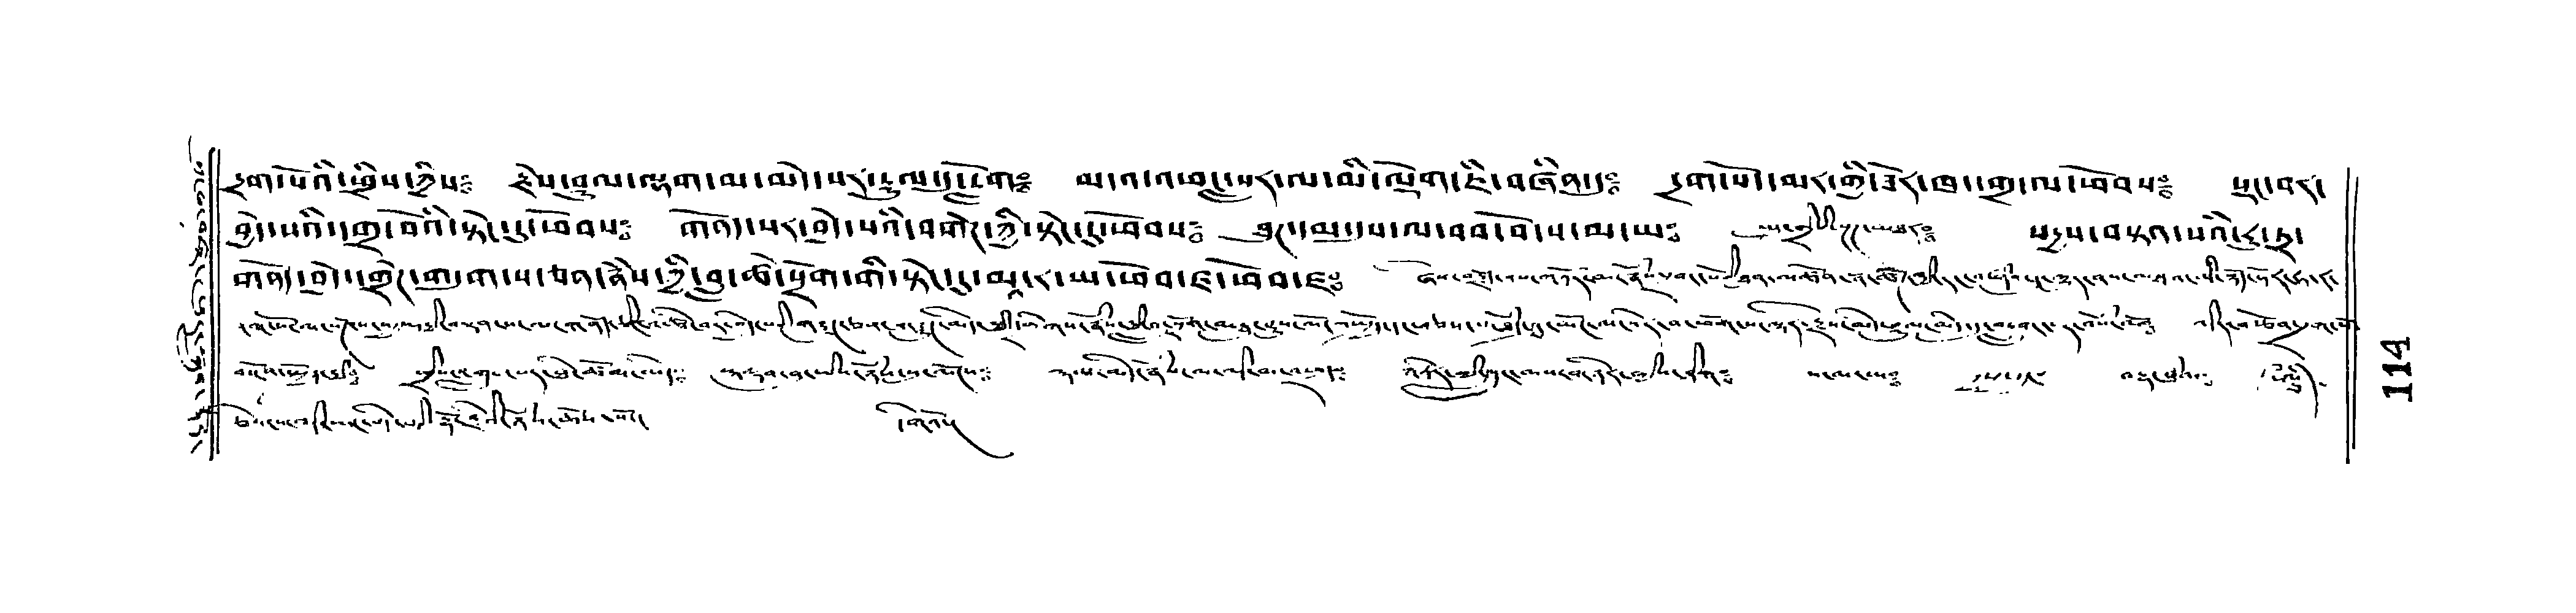དྲག་པོའི་ཕྲིན་ལས་ཀྱིས༔ རྗེས་ཤུལ་ལྷག་མ་མེད་པར་རྡུལ་དུ་རློག༔ མདའ་འཕང་སླར་ལ་མི་ལྡོག་ཇི་བཞིན་དུ༔ དྲག་པོ་དམར་གྱིས་ཟོར་ཁ་དགྲ་ལ་ཕོབས༔ སྡང་བར་
བྱེད་པའི་དགྲ་བོའི་སྟེང་དུ་ཕོབས༔ གནོད་པར་བྱེད་པའི་བགེགས་ཀྱི་སྟེང་དུ་ཕོབས༔ ཐུགས་དམ་དུས་ལ་བབ་བོ་ས་མ་ཡ༔ སྤུ་གྲིའི་སྔགས་མཐར༔ སངས་རྒྱས་བསྟན་པའི་རུ་ཏྲ་
གནོད་བྱེད་དགྲ་བགེགས་གདུག་པ་ཅན་རྣམས་ཀྱི་བླ་ཚེ་སྲོག་གི་སྟེང་དུ་མཱ་ར་ཡ་ཕོབ་ཛ་ཕོབ་ཛཿ ཞེས་བརྗོད་ནས་གཏོར་མ་རྣམས་དྲག་པོའི་ཐུན་མཚོན་སྣ་ཚོགས་ཀྱི་རང་བཞིན་དུ་གྱུར་བས་མཐའ་འདི་སྟོད་ཧོར་ཧ་ར་
ནག་པོ་ལ་སོགས་པ་སངས་རྒྱས་ཀྱི་བསྟན་པ་ལ་གནོད་ཅིང་འཚེ་བར་བྱེད་པའི་གཟུགས་ཅན་གཟུགས་མེད་ཀྱི་དགྲ་བགེགས་རྣམས་ཀྱི་བླ་སྲོག་མཐུ་ནུས་ལོངས་སྤྱོད་དང་བཅས་པ་ཐམས་ཅད་ཤྭ་མོང་ལ་སེར་བ་ཕོག་པ་ལྟར་རྗེས་ཤུལ་མེད་དུ་བརླག་པར་བསམ་མོ༔ འདིར་བརྩོན་དྲག་པོ་
མངོན་སྤྱོད་ཀྱི༔ཕྲིན་ལས་འགྲུབ་པར་ཐེ་ཚོམ་མེད༔ སྐལ་ལྡན་བུ་ཡིས་ཉམས་སུ་ལོངས༔ སྐལ་མེད་རྣམས་ལ་འདི་མ་འཕྲད༔ གཏེར་གྱི་སྲུང་མས་གཉེར་གྱིས་ཤིག༔ ས་མ་ཡ༔ རྒྱ་རྒྱ་རྒྱ༔ བརྡ་ཐིམ༔ ༔ 
ཅེས་པ་འདི་ཡང་བདེ་བའི་རྡོ་རྗེའི་ཉམས་ཆོས་སོ།། དགེའོ།།